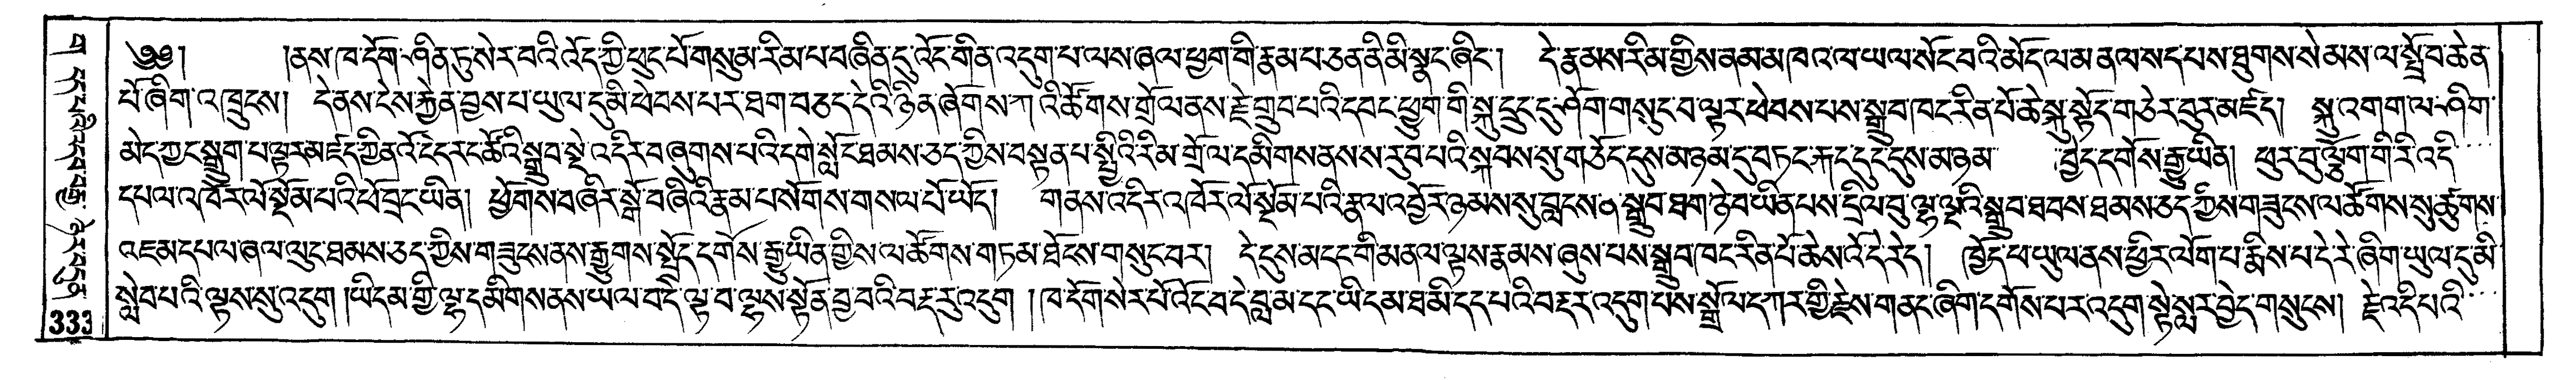༄༅། །ནས་ཁ་དོག་ཤིན་ཏུ་སེར་བའི་འོད་ཀྱི་ཕུང་པོ་གསུམ་རིམ་པ་བཞིན་དུ་འོང་གིན་འདུག་པ་ལས་ཞལ་ཕྱག་གི་རྣམ་པ་ཅན་ནི་མི་སྣང་ཞིང་། དེ་རྣམས་རིམ་གྱིས་ནམ་མཁའ་ལ་ཡལ་སོང་བའི་མོད་ལ་མན་ལས་ད་པས་ཐུགས་སེམས་ལ་སྤྲོ་བ་ཆེན་
པོ་ཞིག་འཁྲུངས། དེ་ནས་དེས་རྐྱེན་བྱས་ཕ་ཡུལ་དུ་མི་ཕེབས་པར་ཐག་བཅད་དེའི་ཉིན་ཞོགས་ཀའི་ཚོགས་གྲོལ་ནས་རྗེ་གྲུབ་པའི་དབང་ཕྱུག་གི་སྐུ་དྲུང་དུ་ཤོག་གསུང་བ་ལྟར་ཕེབས་པས་སྒྲུབ་ཁང་རིན་པོ་ཆེ་སྐུ་སྟོད་གཅེར་བུར་མཛད། སྐུ་འགག་ལ་ཤིག་
མེད་ཀྱང་སྒྲུག་པ་ལྟར་མཛད་ཀྱིན་འོ་ངེད་རང་ཚོའི་སྒྲུབ་སྡེ་འདིར་བཞུགས་པའི་དགེ་སློང་ཐམས་ཅད་ཀྱིས་བསྟན་པ་སྤྱིའི་རིམ་གྲོ་ལ་དམིགས་ནས་ས་རུབ་པའི་སྐབས་སུ་གཅོད་དུས་མཉམ་དུ་བཏང་རྐང་དུས་དུས་མཉམ་དུ་བུས་བྱེད་དགོས་རྒྱུ་ཡིན། ཕུར་བུ་ལྕོག་གི་རི་འདི་
དཔལ་འཁོར་ལོ་སྡོམ་པའི་ཕོ་བྲང་ཡིན། ཕྱོགས་བཞིར་སྒོ་བཞིའི་རྣམ་པ་སོགས་གསལ་པོ་ཡོད། གནས་འདིར་འཁོར་ལོ་སྡོམ་པའི་རྣལ་འབྱོར་ཉམས་སུ་བླངས་ན་སྒྲུབ་ཐག་ཉེ་བ་ཡིན་པས་དྲིལ་བུ་ལྷ་ལྔའི་སྒྲུབ་ཐབས་ཐམས་ཅད་ཀྱིས་གཟུངས་ལ་ཚོགས་སུ་ཚུགས་
འཇམ་དཔལ་ཞལ་ལུང་ཐམས་ཅད་ཀྱིས་གཟུངས་ནས་རྒྱུགས་སྤྲོད་དགོས་རྒྱུ་ཡིན་གྱིས་ལ་ཚོགས་གཏམ་ཐོངས་གསུང་བར། དེ་དུས་མ་དང་གི་མནལ་ལྟས་རྣམས་ཞུས་པས་སྒྲུབ་ཁང་རིན་པོ་ཆེས་འོ་དེ་རེད། ཁྱོད་ཕ་ཡུལ་ནས་ཕྱིར་ལོག་པ་རྨིས་བ་དེ་རེ་ཞིག་ཡུལ་དུ་མི་
སླེབ་པའི་ལྟས་སུ་འདུག །ཡི་དམ་གྱི་ལྷ་དམིགས་ནས་ཡལ་བ་དེ་ལྟ་བ་ལྷས་སྟོན་བྱ་བའི་བརྡ་རུ་འདུག །ཁ་དོག་སེར་པོ་འོང་བ་དེ་བླ་མ་དང་ཡི་དམ་ཐ་མི་དད་པའི་བརྡར་འདུག་པས་སྒྲོལ་དཀར་གྱི་རྗེས་གནང་ཞིག་དགོས་པར་འདུག་སྟེ་སླར་བྱེད་གསུངས། རྗེ་འདི་པའི་